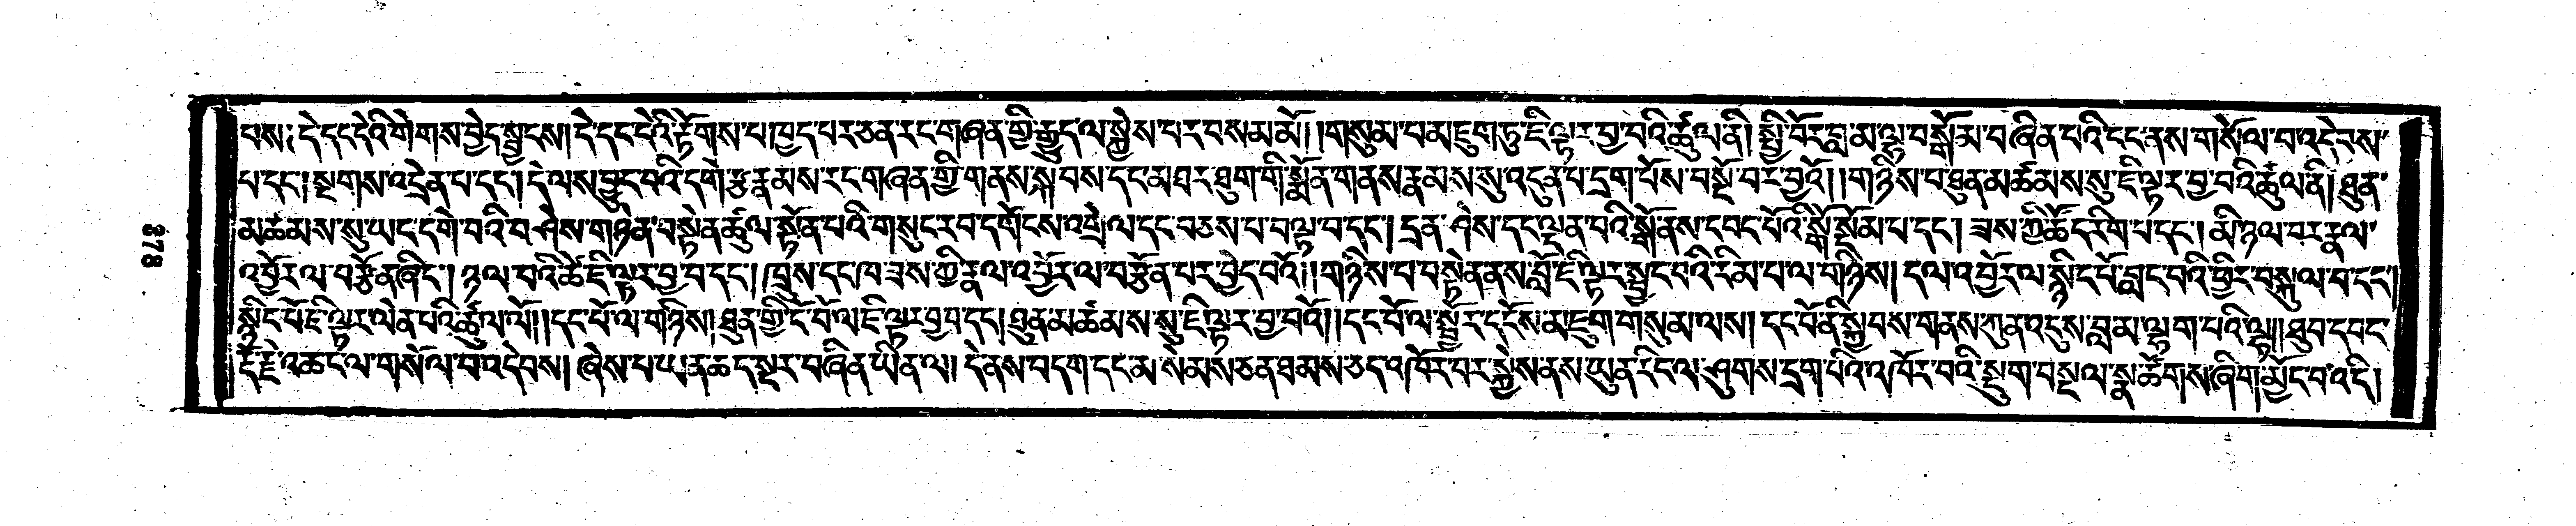པས། དེ་དང་དེའི་གེགས་བྱེད་སྦྱངས། དེ་དང་དེའི་རྟོགས་པ་ཁྱད་པར་ཅན་རང་གཞན་གྱི་རྒྱུད་ལ་སྐྱེས་པར་བསམ་མོ། །གསུམ་པ་མཇུག་ཏུ་ཇི་ལྟར་བྱ་བའི་ཚུལ་ནི། སྤྱི་བོར་བླ་མ་ལྷ་བསྒོམ་བཞིན་པའི་ངང་ནས་གསོལ་བ་འདེབས་
པ་དང་། སྔགས་འདྲེན་པ་དང་། དེ་ལས་བྱུང་བའི་དགེ་རྩ་རྣམས་རང་གཞན་གྱི་གནས་སྐབས་དང་མཐར་ཐུག་གི་སྨོན་གནས་རྣམས་སུ་འདུན་པ་དྲག་པོས་བསྔོ་བར་བྱའོ། །གཉིས་པ་ཐུན་མཚམས་སུ་ཇི་ལྟར་བྱ་བའི་ཚུལ་ནི། ཐུན་
མཚམས་སུ་ཡང་དགེ་བའི་བཤེས་གཉེན་བསྟེན་ཚུལ་སྟེན་པའི་གསུང་རབ་དགོངས་འགྲེལ་དང་བཅས་པ་བལྟ་བ་དང་། དྲན་ཤེས་དང་ལྡན་པའི་སྒོ་ནས་དབང་པོའི་སྒོ་སྡོམ་པ་དང་། ཟས་ཀྱི་ཚོང་རིག་པ་དང་། མི་ཉལ་བར་རྣལ་
འབྱོར་ལ་བརྩོན་ཞིང་། ཉལ་བའི་ཚེ་ཇི་ལྟར་བྱ་བ་དང་། ཁྲུས་དང་ཁ་ཟས་ཀྱི་རྣལ་འབྱོར་ལ་བརྩོན་པར་བྱེད་པའོ། །གཉིས་པ་བསྟེན་ནས་བློ་ཇི་ལྟར་སྦྱང་བའི་རིམ་པ་ལ་གཉིས། དལ་འབྱོར་ལ་སྙིང་པོ་བླང་བའི་ཕྱིར་བསྐུལ་བ་དང་།
སྙིང་པོ་ཇི་ལྟར་ལེན་པའི་ཚུལ་ལོ། །དང་པོ་ལ་གཉིས། ཐུན་གྱི་ངོ་བོ་ལ་ཇི་ལྟར་བྱ་བ་དང་། ཐུན་མཚམས་སུ་ཇི་ལྟར་བྱ་བའོ། །དང་པོ་ལ་སྦྱོར་དངོས་མཇུག་གསུམ་ལས། དང་པོ་ནི་སྐྱབས་གནས་ཀུན་འདུས་བླ་མ་ལྷག་པའི་ལྷ། །ཐུབ་དབང་
རྡོ་རྗེ་འཆང་ལ་གསོལ་བ་འདེབས། ཞེས་པ་ཡན་ཆད་སྔར་བཞིན་ཡིན་ལ། དེ་ནས་བདག་དང་མ་སེམས་ཅན་ཐམས་ཅད་འཁོར་བར་སྐྱེས་ནས་ཡུན་རིང་ལ་ཤུགས་དྲག་པའི་འཁོར་བའི་སྡུག་བསྔལ་སྣ་ཚོགས་ཞིག་མྱོང་བ་འདི།